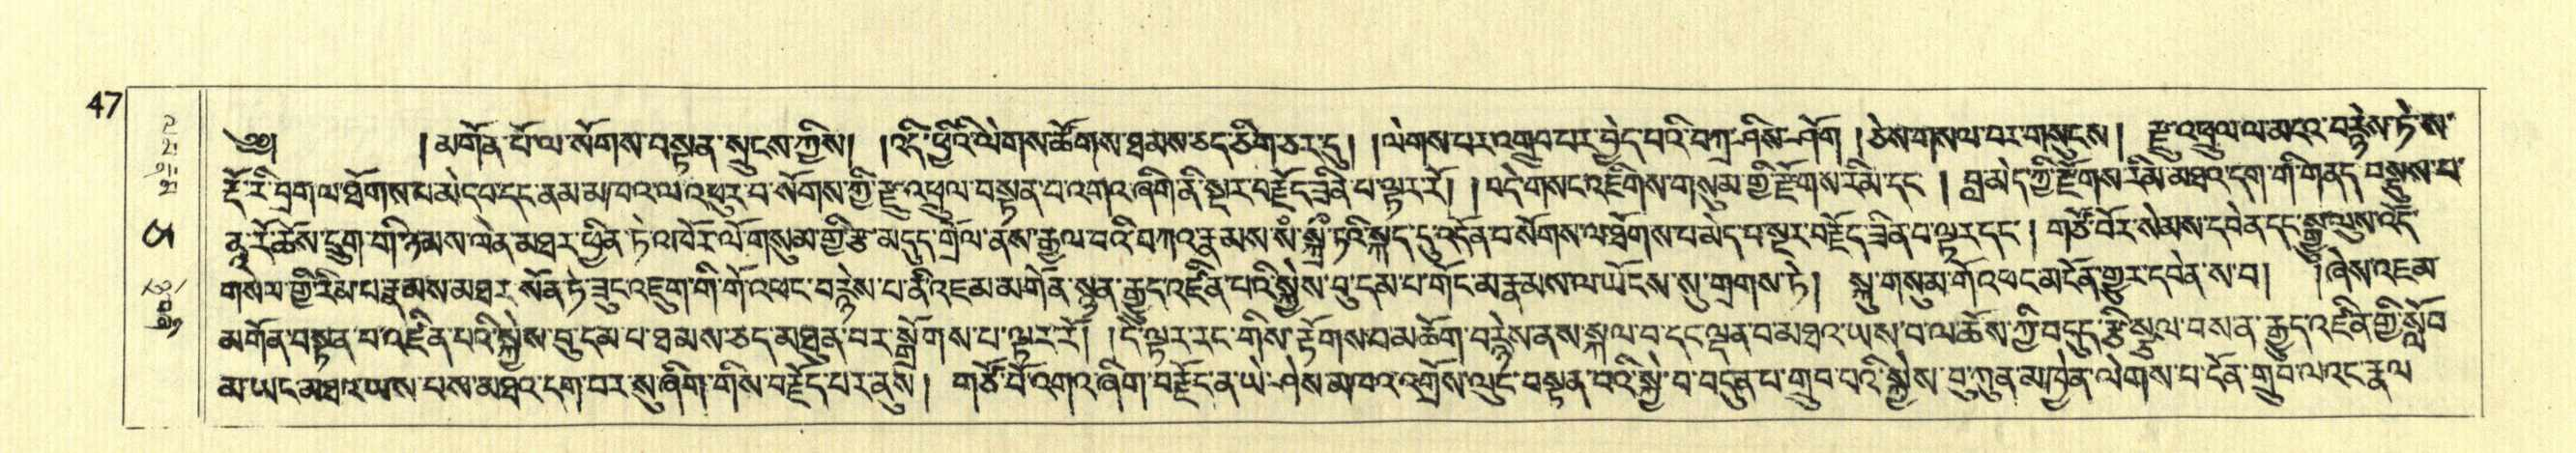༄༅། །མགོན་པོ་ལ་སོགས་བསྟན་སྲུངས་ཀྱིས། །འདི་ཕྱིའི་ལེགས་ཚོགས་ཐམས་ཅད་ཅིག་ཅར་དུ། །ལེགས་པར་འགྲུབ་པར་བྱེད་པའི་བཀྲ་ཤིས་ཤོག །ཅེས་གསལ་བར་གསུངས། རྫུ་འཕྲུལ་ལ་མངའ་བརྙེས་ཏེ་ས་
རྡོ་རི་བྲག་ལ་ཐོགས་པ་མེད་བ་དང་ནམ་མཁའ་ལ་འཕུར་བ་སོགས་ཀྱི་རྫུ་འཕྲུལ་བསྟན་པ་འགའ་ཞིག་ནི་སྔར་བརྗོད་ཟིན་པ་ལྟར་རོ། །བདེ་གསང་འཇིགས་གསུམ་གྱི་རྫོགས་རིམ་དང་། བླ་མེད་ཀྱི་རྫོགས་རིམ་མཐའ་དག་གི་གནད་བསྡུས་པ་
ནཱ་རོ་ཆོས་དྲུག་གི་ཉམས་ལེན་མཐར་ཕྱིན་ཏེ་འཁོར་ལོ་གསུམ་གྱི་རྩ་མདུད་གྲོལ་ནས་རྒྱལ་བའི་བཀའ་རྣམས་སཾ་སྐྲྀ་ཏའི་སྐད་དུ་འདོན་པ་སོགས་ལ་ཐོགས་པ་མེད་པ་སྔར་བརྗོད་ཟིན་པ་ལྟར་དང་། གཙོ་བོར་སེམས་དབེན་དང་སྒྱུ་ལུས་འོད་
གསལ་གྱི་རིམ་པ་རྣམས་མཐར་སོན་ཏེ་ཟུང་འཇུག་གི་གོ་འཕང་བརྙེས་པ་ནི་འཇམ་མགོན་སྙན་རྒྱུད་འཛིན་པའི་སྐྱེས་བུ་དམ་པ་གོང་མ་རྣམས་ལ་ཡོངས་སུ་གྲགས་ཏེ། སྐུ་གསུམ་གོ་འཕང་མངོན་གྱུར་དབེན་ས་བ། །ཞེས་འཇམ་
མགོན་བསྟན་པ་འཛིན་པའི་སྐྱེས་བུ་དམ་པ་ཐམས་ཅད་མཐུན་པར་སྒྲོགས་པ་ལྟར་རོ། །དེ་ལྟར་རང་གིས་རྟོགས་བ་མཆོག་བརྙེས་ནས་སྐལ་བ་དང་ལྡན་བ་མཐའ་ཡས་བ་ལ་ཆོས་ཀྱི་བདུད་རྩི་སྩལ་བས་ན་རྒྱུད་འཛིན་གྱི་སློབ་
མ་ཡང་མཐའ་ཡས་པས་མཐའ་དག་བར་སུ་ཞིག་གིས་བརྗོད་པར་ནུས། གཙོ་བོ་འགའ་ཞིག་བརྗོད་ན་ཡེ་ཤེས་མཁའ་འགྲོས་ལུང་བསྟན་པའི་སྐྱེ་བ་བདུན་པ་གྲུབ་པའི་སྐྱེས་བུ་ཀུན་མཁྱེན་ལེགས་པ་དོན་གྲུབ་ལའང་རྣལ་